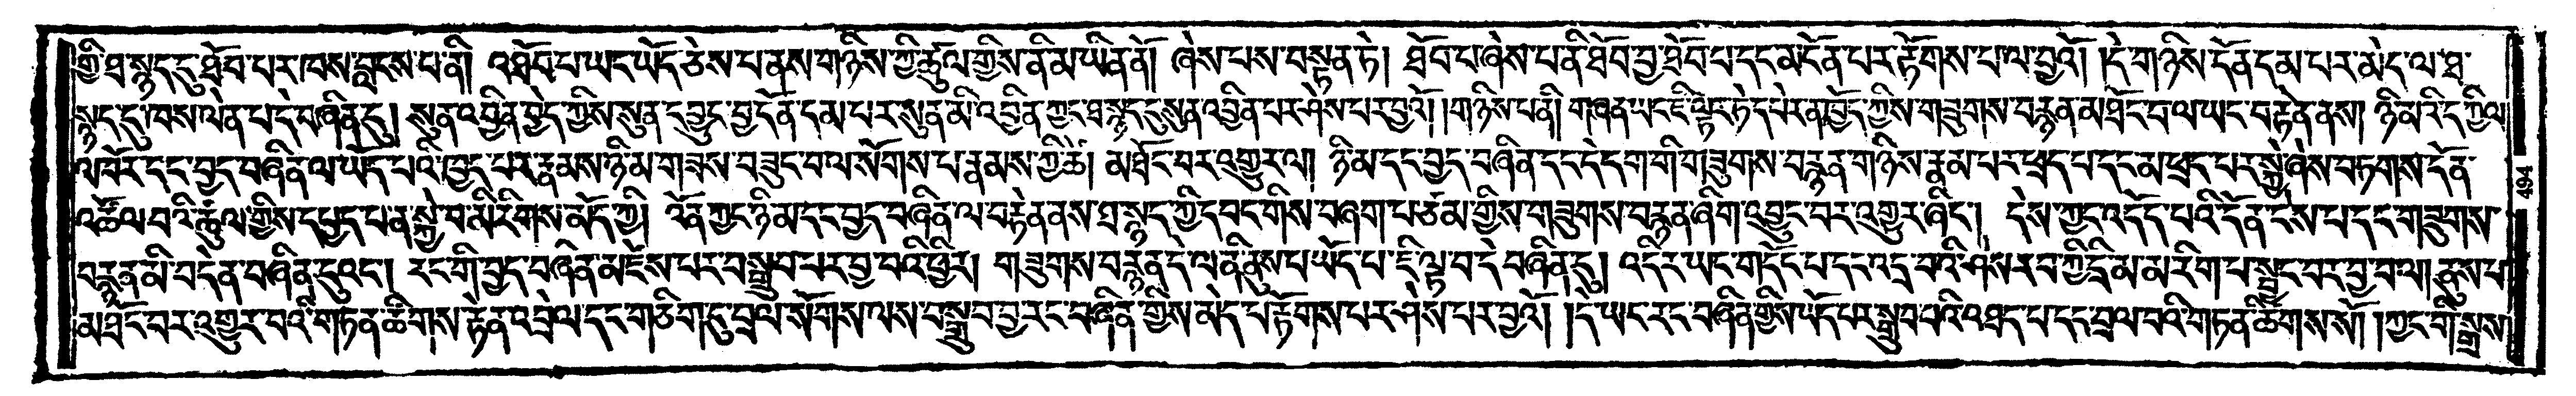གྱི་ཐ་སྙད་དུ་ཐོབ་པར་ཁས་བླངས་པ་ནི། འཐོབ་པ་ཡང་ཡོད་ཅེས་པ་ནས་གཉིས་ཀྱི་ཚུལ་གྱིས་ནི་མ་ཡིན་ནོ། ཞེས་པས་བསྟན་ཏེ། ཐོབ་པ་ཞེས་པ་ནི་ཐོབ་བྱ་ཐོབ་པ་དང་མངོན་པར་རྟོགས་པ་ལ་བྱའོ། །དེ་གཉིས་དོན་དམ་པར་མེད་ལ་ཐ་
སྙད་དུ་ཁས་ལེན་པ་དེ་བཞིན་དུ། སུན་འབྱིན་བྱེད་ཀྱིས་སུན་དབྱུང་བྱ་དོན་དམ་པར་སུན་མི་འབྱིན་ཀྱང་ཐ་སྙད་དུ་སུན་འབྱིན་པར་ཤེས་པར་བྱའོ། །གཉིས་པ་ནི། གཞན་ཡང་ཇི་ལྟར་ཏེ་དཔེར་ན་ཁྱོད་ཀྱིས་གཟུགས་བརྙན་མཐོང་བ་ལ་ཡང་བརྟེན་ནས། ཉི་མའི་དཀྱིལ་
འཁོར་དང་བྱད་བཞིན་ལ་ཡོད་པའི་ཁྱད་པར་རྣམས་ཉི་མ་གཟས་བཟུང་བ་ལ་སོགས་པ་རྣམས་ཀྱི་ཚེ། མཐོང་བར་འགྱུར་ལ། ཉི་མ་དང་བྱད་བཞིན་དང་དེ་དག་གི་གཟུགས་བརྙན་གཉིས་རྣམ་པར་ཕྲད་པ་དང་མ་ཕྲད་པར་སྐྱེ་ཞེས་བཏགས་དོན་
འཚོལ་བའི་ཚུལ་གྱིས་དཔྱད་པ་ན་སྐྱེ་བ་མི་རིགས་མོད་ཀྱི། འོན་ཀྱང་ཉི་མ་དང་བྱད་བཞིན་ལ་བརྟེན་ནས་ཐ་སྙད་ཀྱི་དབང་གིས་བཞག་པ་ཙམ་གྱིས་གཟུགས་བརྙན་ཞིག་འབྱུང་བར་འགྱུར་ཞིང་། དེས་ཀྱང་འདོད་པའི་དོན་ངེས་པ་དང་གཟུགས་
བརྙན་མི་བདེན་བཞིན་དུའང་། རང་གི་བྱད་བཞིན་མཛེས་པར་བསྒྲུབ་པར་བྱ་བའི་ཕྱིར། གཟུགས་བརྙན་དེ་ལ་ནི་ནུས་པ་ཡོད་པ་ཇི་ལྟ་བ་དེ་བཞིན་དུ། འདིར་ཡང་གདོང་པ་དང་འདྲ་བའི་ཤེས་རབ་ཀྱི་དྲི་མ་མ་རིག་པ་སྦྱང་བར་བྱ་བ་ལ། ནུས་པ་
མཐོང་བར་འགྱུར་བའི་གཏན་ཚིགས་རྟེན་འབྲེལ་དང་གཅིག་དུ་བྲལ་སོགས་ལས་བསྒྲུབ་བྱ་རང་བཞིན་གྱིས་མེད་པ་རྟོགས་པར་ཤེས་པར་བྱའོ། །དེ་ཡང་རང་བཞིན་གྱིས་ཡོད་པར་སྒྲུབ་པའི་འཐད་པ་དང་བྲལ་བའི་གཏན་ཚིགས་སོ། །ཀྱང་གི་སྒྲས་